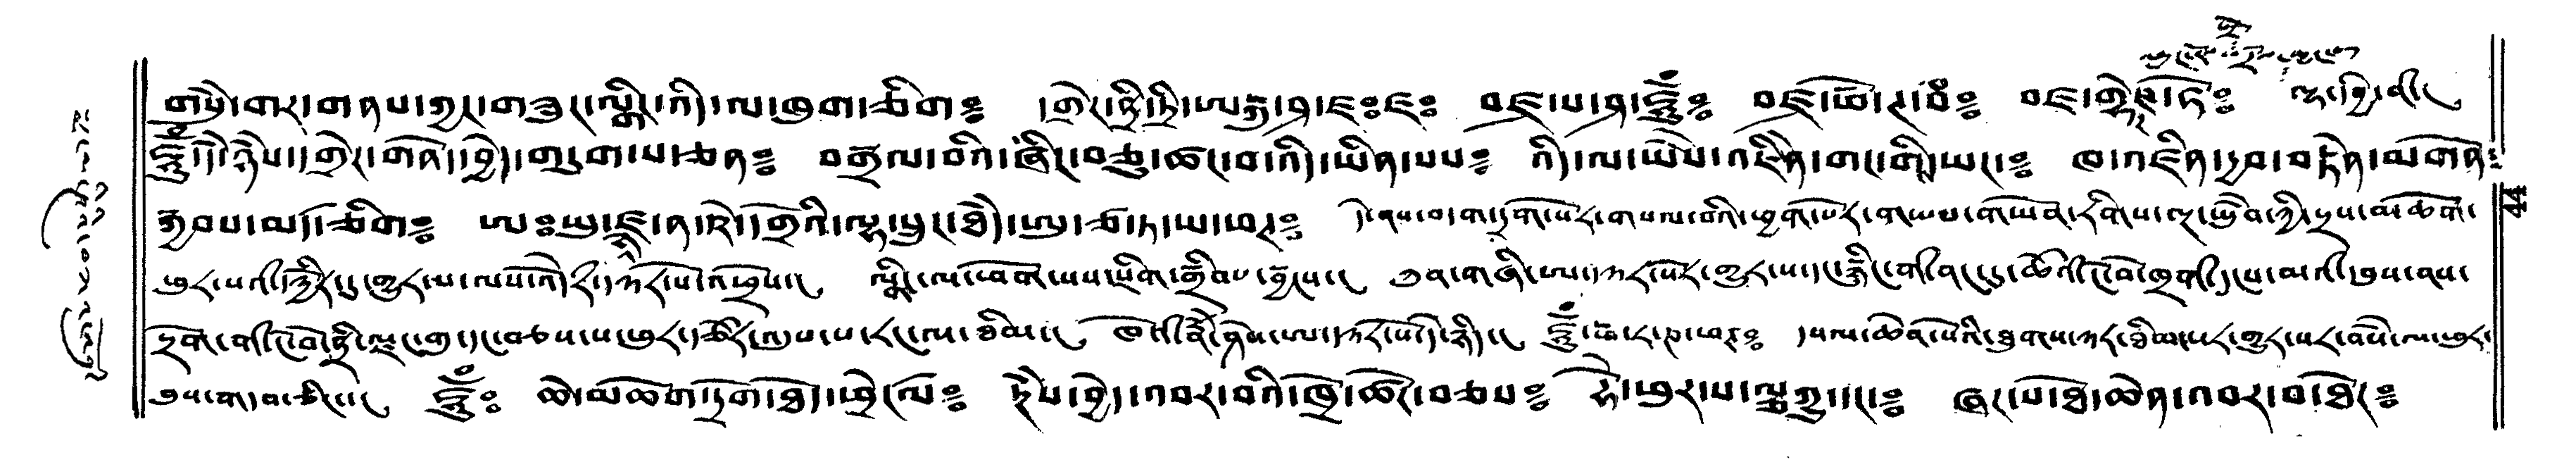གསུམ་གར་གནས་ཀྱང་གཟུགས་ལིངྒ་འདི་ལ་ཁུག་ཅིག༔ དགྲ་བགེགས་ནྲི་ཏྲི་ཨངྐུ་ཤ་ཛཿཛཿ བཛྲ་པ་ཤ་ཧྃའུ༔ བཛྲ་སྥོ་ཊ་བཾ༔ བཛྲ་གྷཎྜེ་ཧོ༔ ལྷ་དབྱེ་ནི། 
ཧཱུྃ༔ དམ་ཉམས་དགྲ་བགེགས་གནོད་བྱེད་གདུག་པ་ཅན༔ བསྒྲལ་བའི་ཞིང་བཅུ་ཚང་བ་འདི་ཡིན་པས༔ འདི་ལ་ཡེ་ཤེས་འཇིག་རྟེན་གང་གིས་ཀྱང༔ ཁ་འཛིན་རྒྱབ་བརྟེན་མགོན་
སྐྱབས་མ་མཛད་ཅིག༔ ཨཱ༔ཡུ་ཛྙཱ་ན་རེ་དགྲ་བོའི་ལྷ་སྲུང་ཐམས་ཅད་ཨུ་ཙ་ཊ་ཡ་ཕཊ༔ དེ་ནས་བདག་དྲག་པོར་གསལ་བའི་ཕྱག་སོར་གཡས་གཡོན་རིགས་ལྔ་ཡབ་ཡུམ་གྱི་སྲས་མཆོག་
ཕུར་པའི་དཀྱིལ་འཁོར་དུ་གྱུར་པ་ལས་འོད་ཟེར་དཀར་པོ་འཕྲོས། ལིང་ག་ལ་ཕོག་པས་སྡིག་སྒྲིབ་སྦྱངས། ཀུན་གཞི་ཨ་དཀར་པོར་གྱུར་པ་དང་སྙིང་གའི་ནང་དུ་ཚེ་ཡི་ངོ་བོ་ཁྲག་གི་དྭངས་མའི་དབུས་ནས་
སྲོག་གི་ངོ་བོ་ནྲི་ལྗང་གུ་དང་བཅས་པ་ཕུར་རྩེར་འདུས་པ་རང་ལ་ཐིམ།ཁོའི་རྣམ་ཤེས་ཨ་དཀར་པོ་དེ་ཉིད། ཧྃའུ་སྥ་ར་ཎ་ཕཊ། དཔལ་ཆེན་པོའི་ཐུགས་ཀར་ཐིམ་པར་གྱུར་པར་བསམ་ལ་ཕུར་
བུས་གདབ་ཅིང་། ཧཱུྃ༔ ཆེ་མཆོག་དྲག་པོ་ཐོད་ཕྲེང་རྩལ༔ རྔམ་བྱེད་འབར་བའི་ཁྲོ་ཚོགས་བཅས༔ རྡོ་རྗེ་ཕུར་པ་ལྕགས་ཀྱུ་དང༔ ཞགས་པ་ཐོ་ཆེན་འབར་བ་ཐོགས༔